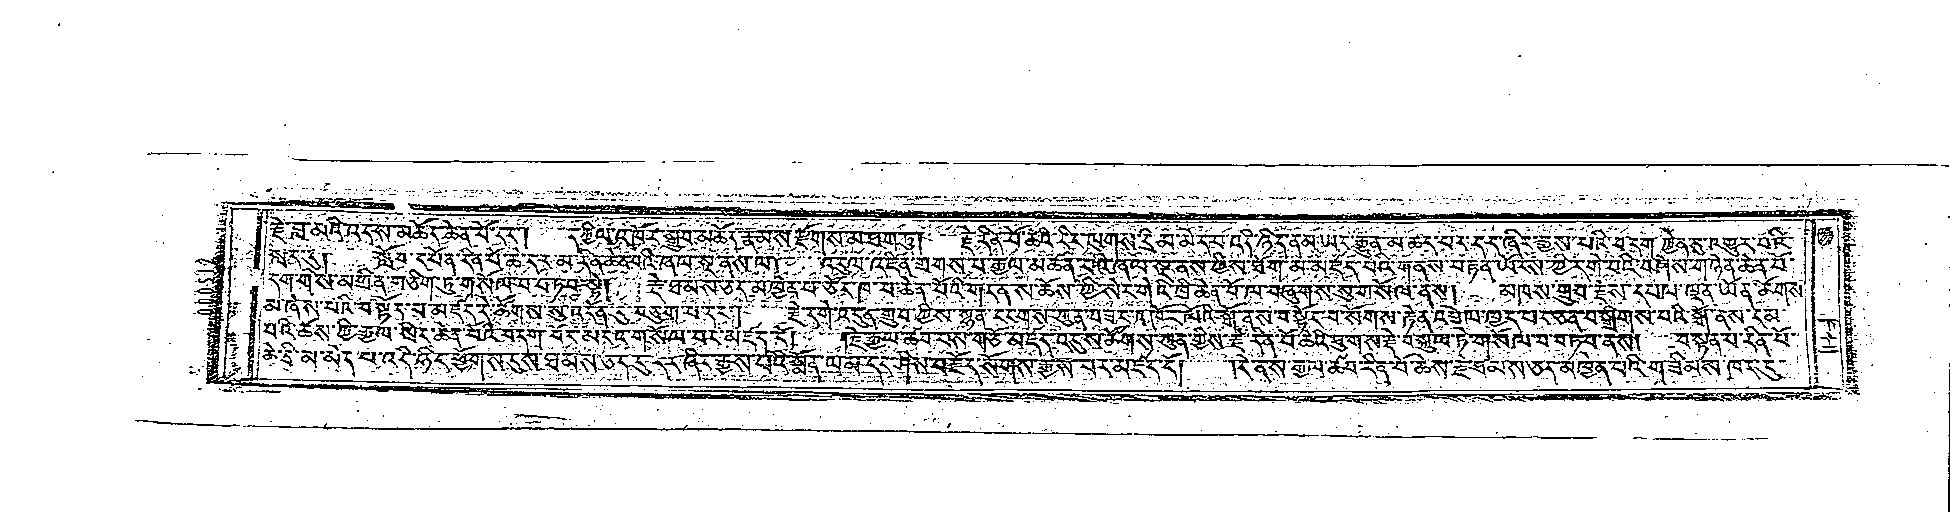རྗེ་བླ་མའི་འདས་མཆོད་ཆེན་པོ་དང་། དཀྱིལ་འཁོར་སྒྲུབ་མཆོད་རྣམས་རྫོགས་མ་ཐག་ཏུ། རྗེ་རིན་པོ་ཆེའི་རིང་ལུགས་དྲི་མ་མེད་པ་འདི་ཉིད་ནམ་ཡང་རྒྱུན་མཆད་པར་དར་ཞིང་རྒྱས་པའི་བདག་རྐྱེན་དུ་འགྱུར་པའི་
སླང་དུ། སློབ་དཔོན་རིན་པོ་ཆེ་དར་མ་རིན་ཆེན་པའི་ཞལ་སྔ་ནས་ལ། འདུལ་འཛིན་གྲགས་པ་རྒྱལ་མཚན་པའི་ཞལ་སྔ་ནས་ཀྱིས་ཐོག་མ་མཛད་པའི་གནས་བརྟན་ཡོངས་ཀྱི་དགེ་བའི་བཤེས་གཉེན་ཆེན་པོ་
དག་གིས་མགྲིན་གཅིག་ཏུ་གསོལ་བ་བཏབ་སྟེ། རྗེ་ཐམས་ཅད་མཁྱེན་པ་ཙོང་ཁ་པ་ཆེན་པོའི་གདན་ས་ཆོས་ཀྱི་སེང་གེའི་ཁྲི་ཆེན་པོ་ལ་བཞུགས་སུ་གསོལ་ནས། མཁས་གྲུབ་རྗེས་དཔལ་ལྡན་ཡོན་ཆོགས་
མ་ཞེས་པའི་བསྟོད་པ་མཛད་དེ་ཚོགས་སུ་འདོན་དུ་བཅུག་པ་དང་། རྗེ་དགེ་འདུན་གྲུབ་ཀྱིས་སྙན་དངགས་ཀུན་བཟང་འཁོར་ལོའི་སྒོ་ནས་བསྟོད་པ་སོགས་རྟེན་འབྲེལ་ཁྱད་པར་བཅན་བསྒྲིགས་པའི་སྒོ་ནས་དམ་
པའི་ཆོས་ཀྱི་རྒྱལ་སྲིད་ཆེན་པོའི་བདག་པོར་མདའ་གསོལ་བར་མཛད་དོ། །རྗེ་རྒྱལ་ཚབ་པས་གཙོ་མཛད་འདུས་ཚོགས་ཀུན་གྱིས་རྗེ་རིན་པོ་ཆེའི་ཐུགས་རྗེ་བསྐུལ་ཏེ་གསོལ་བ་བཏབ་ནས། བསྟན་པ་རིན་པོ་
ཆེ་དྲི་མ་མེད་པ་འདི་ཉིད་ཕྱོགས་དུས་ཐམས་ཅད་དུ་དང་ཞིང་རྒྱས་པའི་སྨོན་ལམ་དང་ཤིས་བརྗོད་སོགས་རྒྱས་པར་མཛད་དོ། །དེ་ནས་རྒྱལ་ཚབ་རིན་པོ་ཆེས་རྗེ་ཐམས་ཅད་མཁྱེན་པའི་གཟིམས་ཁང་དུ་